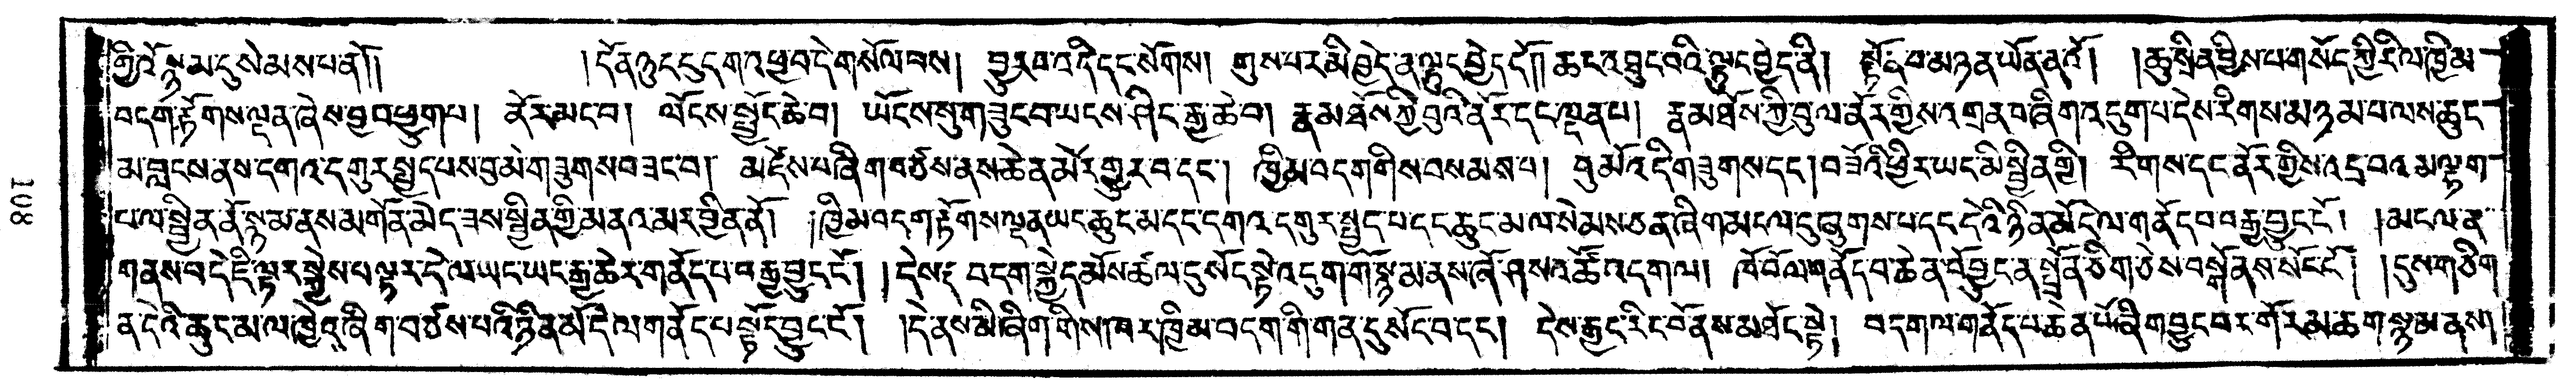གྱིའོ་སྙམ་དུ་སེམས་པ་ནོ།། །དོན་ཉུང་དུ་དག་འཕྱ་བ་དེ་གསོལ་བས། བྱུར་བ་འདི་དང་སོགས། གུས་པར་མི་བྱེད་ན་ལྟུང་བྱེད་དོ།། ཆང་འཐུང་བའི་ལྟུང་བྱེད་ནི། སྟོན་པ་མཉན་ཡོན་ནའོ། །ཆུ་སྲིན་བྱིས་པ་གསོད་ཀྱི་རིལ་ཁྱིམ་
བདག་རྟོགས་ལྡན་ཞེས་བྱ་བ་ཕྱུག་པ། ནོར་མང་བ། ལོངས་སྤྱོད་ཆེ་བ། ཡོངས་སུ་གཟུང་བ་ཡངས་ཤིང་རྒྱ་ཆེ་བ། རྣམ་ཐོས་ཀྱི་བུའི་ནོར་དང་ལྡན་པ། རྣམ་ཐོས་ཀྱི་བུ་ལ་ནོར་གྱིས་འགྲན་བ་ཞིག་འདུག་པ་དེས་རིགས་མཉམ་པ་ལས་ཆུང་
མ་བླངས་ནས་དགའ་དགུར་སྤྱད་པས་བུ་མེ་གཟུགས་བཟང་བ། མཛེས་པ་ཞིག་བཙས་ནས་ཆེན་མོར་གྱུར་བ་དང་། ཁྱིམ་བདག་གིས་བསམས་པ། བུ་མོ་འདི་གཟུགས་དང་། བཟོའི་ཕྱིར་ཡང་མི་སྦྱིན་གྱི། རིགས་དང་ནོར་གྱིས་འདྲ་བའམ་ལྷག་
པ་ལ་སྦྱིན་ནོ་སྙམ་ནས་མགོན་མེད་ཟས་སྦྱིན་གྱི་མནའ་མར་བྱིན་ནོ། །ཁྱིམ་བདག་རྟོགས་ལྡན་ཡང་ཆུང་མ་དང་དགའ་དགུར་སྤྱད་པ་དང་ཆུང་མ་ལ་སེམས་ཅན་ཞིག་མངལ་དུ་ཞུགས་པ་དང་དེའི་ཉིན་མོ་དེ་ལ་གནོད་པ་བརྒྱ་བྱུང་ངོ། །མངལ་ན་
གནས་པ་དེ་ཇི་ལྟར་སྐྱེས་པ་ལྟར་དེ་ལ་ཡང་ཡང་རྒྱ་ཆེར་གནོད་པ་བརྒྱ་བྱུང་ངོ། །དེས༑ བདག་སྐྱེད་མོས་ཚལ་དུ་སོང་སྟེ་འདུག་གོ་སྙམ་ནས་ཞོ་ཤས་འཚོ་འདག་ལ། ཁོ་བོ་ལ་གནོད་པ་ཆེན་པོ་བྱུང་ན་སྤྲོན་ཅིག་ཅེས་བསྒོ་ནས་སོང་ངོ། །དུས་གཅིག་
ན་དེའི་ཆུང་མ་ལ་ཁྱེའུ་ཞིག་བཙས་པའི་ཉིན་མོ་དེ་ལ་གནོད་པ་སྟོང་བྱུང་ངོ། །དེ་ནས་མི་ཞིག་གིས་ཁར་ཁྱིམ་བདག་གི་གན་དུ་སོང་བ་དང་། དེས་རྒྱང་རིང་བོ་ནས་མཐོང་སྟེ། བདག་ལ་གནོད་པ་ཆེན་པོ་ཞིག་བྱུང་བར་གོར་མ་ཆག་སྙམ་ནས།